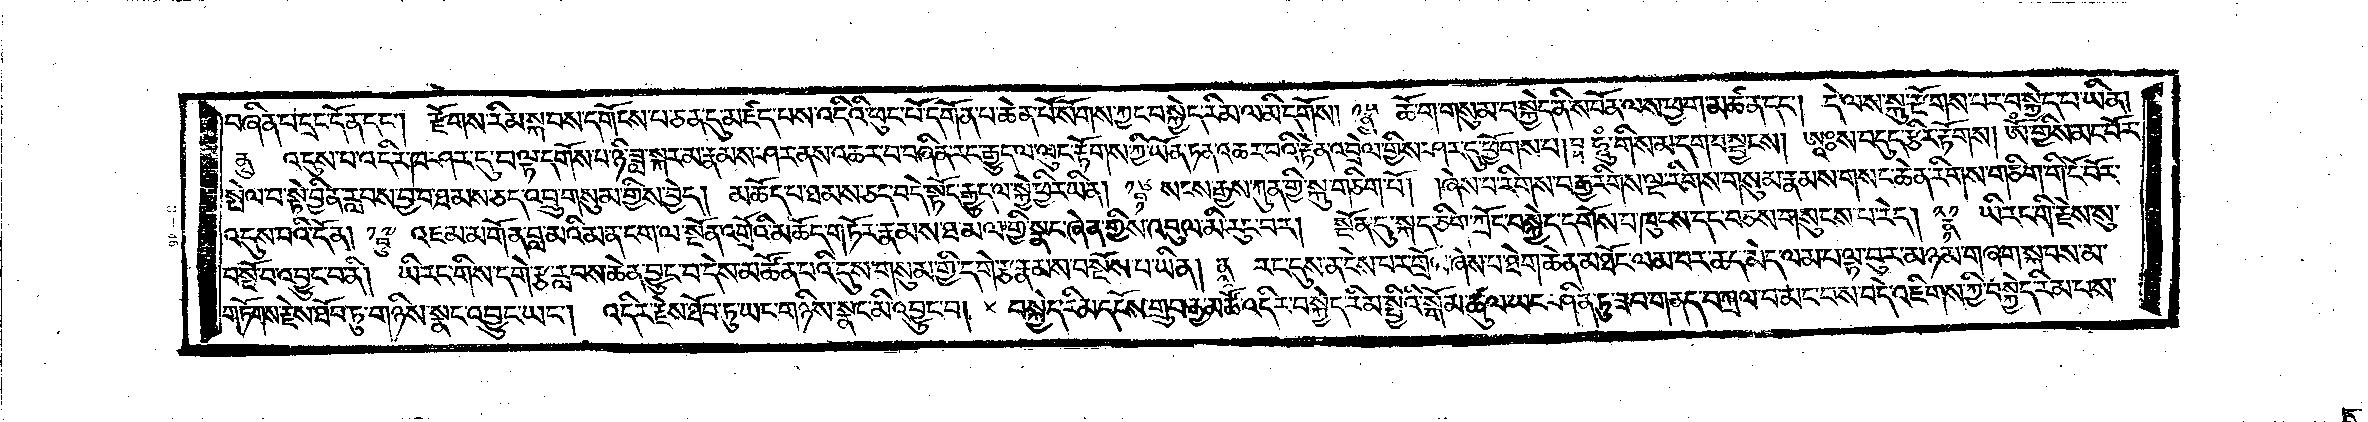བཞིན་པ་དྲང་དོན་དང་། རྫོགས་རིམ་སྐབས་དགོངས་པ་ཅན་དུ་མཛད་པས་འདིའི་ཕུང་པོ་དགོན་པ་ཆེན་པོ་སོགས་ཀྱང་བསྐྱེད་རིམ་ལ་མི་དགོས། ༡༥ན༤་ཆོ་ག་གསུམ་བསྐྱེད་ནི་ས་བོན་ལས་ཕྱག་མཚན་དང་། འདེ་ལས་སྐུ་རྫོགས་པར་བསྐྱེད་བ་ཡིན།
ན༦་འདུས་པ་འདིར་ཁ་ཤར་དུ་བལྟ་དགོས་པ་ཉི་ཟླ་སྐར་མ་རྣམས་ཤར་ནས་འཆར་བ་བཞིན་རང་རྒྱུད་ལ་ལུང་རྟོགས་ཀྱི་ཡོན་ཏན་འཆར་བའི་རྟེན་འབྲེལ་གྱིས་ཤར་དུ་ཕྱོགས་པ། བ༥་ཧཱུཾ་གིས་མ་དག་བ་སྦྱངས། ཨཱཿས་བདུད་རྩིར་རྟོགས། ཨོཾ་གྱིས་མང་བོར་
སྤེལ་བ་སྟེ་བྱིན་རླབས་བྱ་བ་ཐམས་ཅད་འབྲུ་གསུམ་གྱིས་བྱེད། མཆོད་པ་ཐམས་ཅད་བདེ་སྟོང་རྒྱུད་ལ་སྐྱེ་ཕྱིར་ཡིན། ༡༦བ༡་སངས་རྒྱས་ཀུན་གྱི་སྐུ་གཅིག་པོ། །ཞེས་པ་རིགས་བརྒྱ་རིགས་ལྔ་རིགས་གསུམ་རྣམས་གང་ཆེན་རིགས་གཅིག་གི་ངོ་བོར་
འདུས་པའི་དོན། ༡༧བ༦་འཇམ་མགོན་བླ་མའི་མན་ངག་ལ་སྔོན་འགྲོའི་མཆོད་གཏོར་རྣམས་ཐ་མལ་གྱི་སྣང་ཞེན་གྱིས་འབུལ་མི་རུང་བར། སྔོན་དུ་སྐད་ཅིག་ཀྲོང་བསྐྱེད་དགོས་པ་ཁུང་དང་བཅས་གསུངས་པ་རེད། ༢༡ན༡་ཡི་རང་གི་རྗེས་སུ་
བསྔོ་བ་འབྱུང་བ་ནི། ཡི་རང་གིས་དགེ་རྩ་རླབས་ཆེན་བྱུང་བ་དེས་མཚོན་པའི་དུས་གསུམ་གྱི་དགེ་རྩ་རྣམས་བསྔོས་པ་ཡིན། ན༣་རང་དུས་ན་ངེས་པར་གྲའོ་ཞེས་པ་ཐེག་ཆེན་མཐོང་ལམ་བར་ཆད་མེད་ལམ་པ་ལྟ་བུར་མཉམ་གཞག་སྐབས་མ་
གཏོགས་རྗེས་ཐོབ་ཏུ་གཉིས་སྣང་འབྱུང་ཡང་། འདིར་རྗེས་ཐོབ་ཏུ་ཡང་གཉིས་སྣང་མི་འབྱུང་བ། ྾་བསྐྱེད་རིམ་དངོས་གྲུབ་རྒྱ་མཚོ་འདིར་བསྐྱེད་རིམ་སྤྱིའི་སྒོམ་ཚུལ་ཡང་ཤིན་ཏུ་ཟབ་གནད་བཀྲལ་པ་མང་བས་བདེ་འཇིགས་ཀྱི་བསྐྱེད་རིམ་པས་